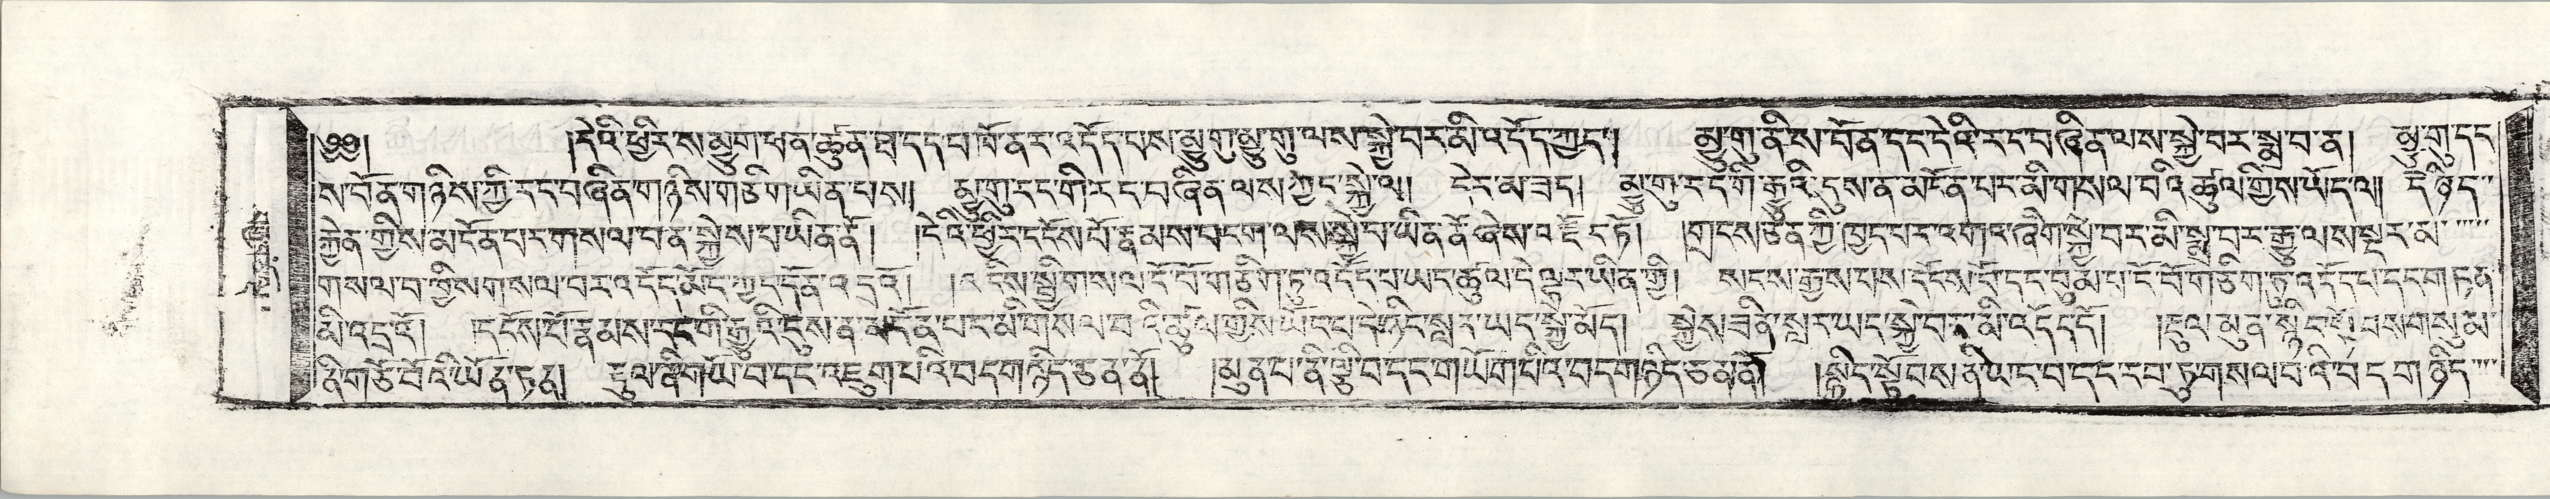དེའི་ཕྱིར་ས་མྱུག་ཕན་ཚུན་ཐ་དད་པ་ཁོ་ནར་འདོད་པས་མྱུ་གུ་མྱུ་གུ་ལས་སྐྱེ་བར་མི་འདོད་ཀྱང་། མྱུ་གུ་ནི་ས་བོན་དང་དེའི་རང་བཞིན་ལས་སྐྱེ་བར་སྨྲ་བ་ན། མྱུ་གུ་དང་ས་བོན་གཉིས་ཀྱི་རང་བཞིན་གཉིས་གཅིག་ཡིན་པས། མྱུ་གུ་རང་གི་རང་བཞིན་ལས་
ཀྱང་སྐྱེ་ལ། དེར་མ་ཟད། མྱུ་གུ་རང་གི་རྒྱུའི་དུས་ན་མངོན་བར་མི་གསལ་བའི་ཚུལ་གྱིས་ཡོད་ལ། དེ་ཉིད་རྐྱེན་གྱིས་མངོན་པར་གསལ་བ་ན་སྐྱེས་པ་ཡིན་ནོ། དེའི་ཕྱིར་དངོས་པོ་རྣམས་བདག་ལས་སྐྱེ་བ་ཡིན་ནོ་ཞེས་ཟེར་ཏོ། །གྲངས་ཅན་གྱི་ཁྱད་པར་འགའ་
ཞིག་སྐྱེ་བར་མི་སྨྲ་བར་རྒྱུ་ལས་སྔར་མི་གསལ་བ་ཕྱིས་གསལ་བར་འདོད་མོད་ཀྱང་དོན་འདྲའོ། །འདིས་སྤྱི་གསལ་ངོ་བོ་གཅིག་ཏུ་འདོད་པ་ཡང་ཚུལ་དེ་ལྟར་ཡིན་གྱི། སངས་རྒྱས་པས་དངོས་པོ་དང་བུམ་པ་ངོ་བོ་གཅིག་ཏུ་འདོད་པ་དང་གཏན་མི་འདྲའོ། །དངོས་པོ་རྣམས་རང་གི་རྒྱུའི་དུས་ན་མངོན་པར་མི་གསལ་བའི་ཚུལ་གྱིས་ཡོད་པ་དེ་ཉིད་སླར་ཡང་སྐྱེ་མོད། སྐྱེས་ཟིན་སླར་ཡང་སྐྱེ་བར་མི་འདོད་དོ། །རྡུལ་མུན་སྙིང་སྟོབས་གསུམ་ནི་གཙོ་བོའི་ཡོན་ཏན། རྡུལ་ནི་གཡོ་བ་དང་འཇུག་པའི་བདག་ཉིད་ཅན་ནོ། །
མུན་པ་ནི་ལྕི་བ་དང་གཡོག་པའི་བདག་ཉིད་ཅན་ནོ། །སྙིང་སྟོབས་ནི་ཡང་བ་དང་རབ་ཏུ་གསལ་བའི་བདག་ཉིད་